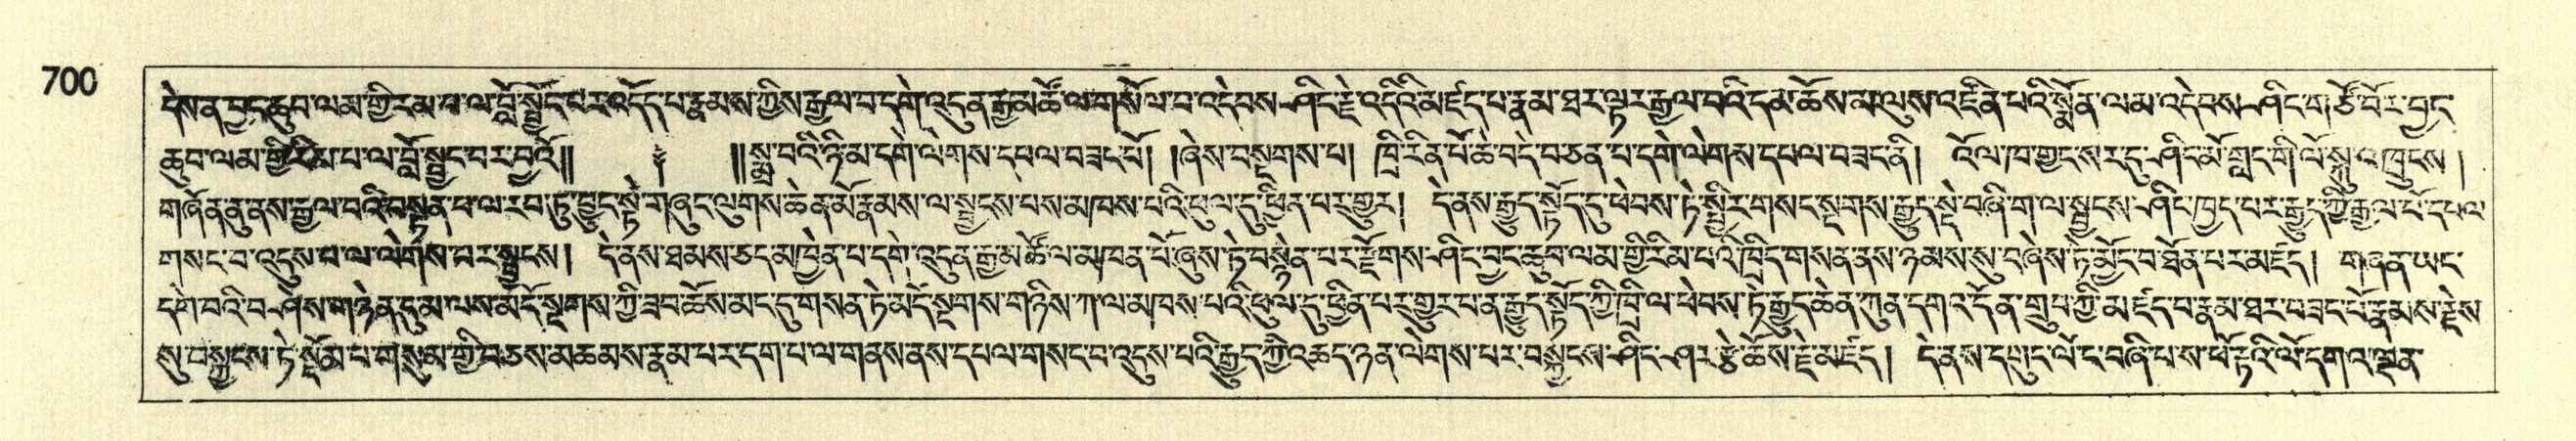དེས་ན་བྱང་ཆུབ་ལམ་གྱི་རམ་པ་ལ་བློ་སྦྱོང་བར་འདོད་པ་རྣམས་ཀྱིས་རྒྱལ་བ་དགེ་འདུན་རྒྱ་མཚོ་ལ་གསོལ་བ་འདེབས་ཤིང་རྗེ་འདིའི་མཛད་པ་རྣམ་ཐར་ལྟར་རྒྱལ་བའི་དམ་ཆོས་མ་ལུས་འཛིན་པའི་སྨོན་ལམ་འདེབས་ཤིང་གཙོ་བོར་བྱང་
ཆུབ་ལམ་གྱི་རིམ་པ་ལ་བློ་སྦྱང་བར་བྱའོ།། ༈ །།སྨྲ་བའི་ཉི་མ་དགེ་ལེགས་དཔལ་བཟང་པོ། །ཞེས་བསྔགས་པ། ཁྲི་རིན་པོ་ཆེ་བདེ་བ་ཅན་པ་དགེ་ལེགས་དཔལ་བཟང་ནི། འོལ་ཁ་གྱང་སར་དུ་ཤིང་མོ་གླང་གི་ལོ་སྐུ་འཁྲུངས།
གཞོན་ནུ་ནས་རྒྱལ་བའི་བསྟན་པ་ལ་རབ་ཏུ་བྱུང་སྟེ་གཞུང་ལུགས་ཆེན་མོ་རྣམས་ལ་སྦྱངས་པས་མཁས་པའི་ཕུལ་དུ་ཕྱིན་པར་གྱུར། དེ་ནས་རྒྱུད་སྟོད་དུ་ཕེབས་ཏེ་སྤྱིར་གསང་སྔགས་རྒྱུད་སྡེ་བཞིག་ལ་སྦྱངས་ཤིང་ཁྱད་པ་རྒྱུད་ཀྱི་རྒྱལ་པོ་དཔལ་
གསང་བ་འདུས་པ་ལ་ལེགས་པར་སྦྱངས། དེ་ནས་ཐམས་ཅད་མཁྱེན་པ་དགེ་འདུན་རྒྱ་མཚོ་ལ་མཁན་པོ་ཞུས་ཏེ་བསྙེན་པར་རྫོགས་ཤིང་བྱང་ཆུབ་ལམ་གྱི་རིམ་པའི་ཁྲིད་གསན་ནས་ཉམས་སུ་བཞེས་ཏེ་མྱོང་བ་ཐོན་པར་མཛད། གཞན་ཡང་
དགེ་བའི་བཤེས་གཉེན་དུ་མ་ལས་མདོ་སྔགས་ཀྱི་ཟབ་ཆོས་མང་དུ་གསན་ཏེ་མདོ་སྔགས་གཉིས་ཀ་ལ་མཁས་པའི་ཕུལ་དུ་ཕྱིན་པར་གྱུར་པ་ན་རྒྱུད་སྟོད་ཀྱི་ཁྲི་ལ་ཕེབས་ཏེ་རྒྱུད་ཆེན་ཀུན་དགའ་དོན་གྲུབ་ཀྱི་མཛད་བ་རྣམ་ཐར་བཟང་པོ་རྣམས་རྗེས་
སུ་བསྐྱངས་ཏེ་སྡོམ་པ་གསུམ་གྱི་བཅས་མཆམས་རྣམ་པར་དག་པ་ལ་གནས་ནས་དཔལ་གསང་བ་འདུས་པའི་རྒྱུད་ཀྱི་འཆད་ཉན་ལེགས་པར་བསྐྱངས་ཤིང་ཤར་རྩེ་ཆོས་རྗེ་མཛད། དེ་ནས་དགུང་ལོ་ང་བཞི་པ་ས་ཕོ་རྟའི་ལོ་དགའ་ལྡན་